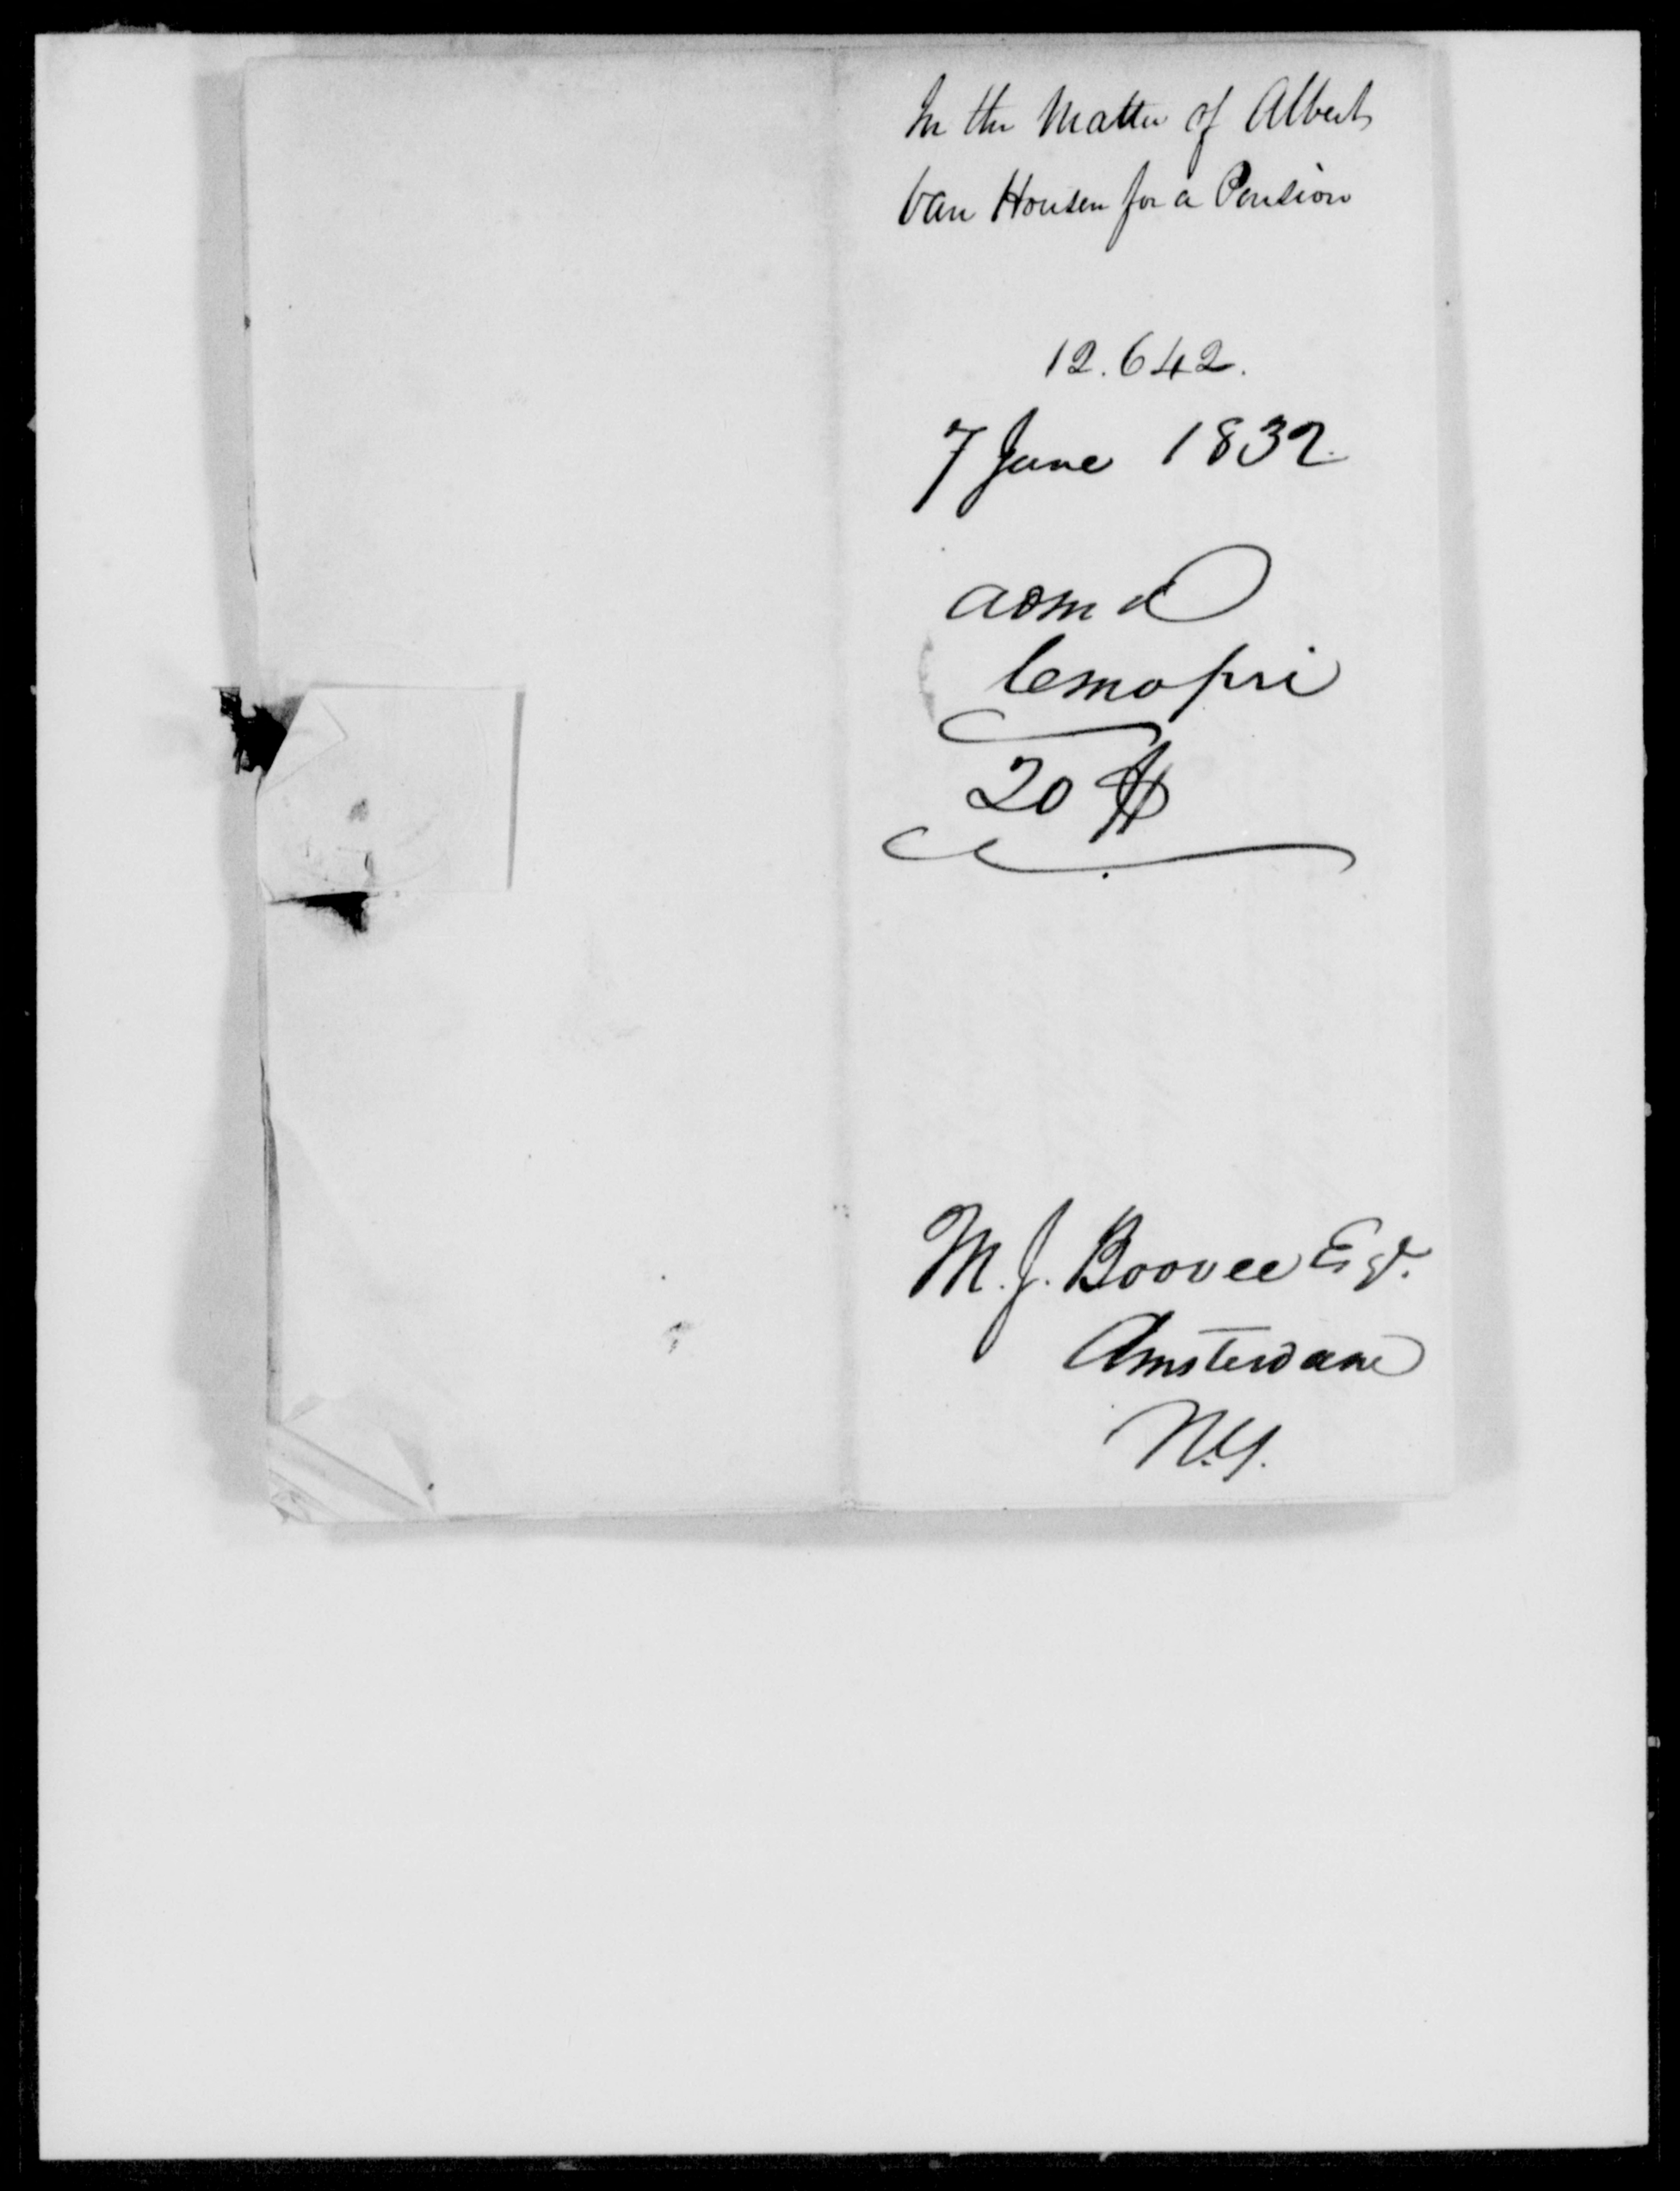In the matter of Albert Van Housen for a Pension 
12.642 
7 June 1832. 
admd
6 mo pri 
20 $

M. J. Boovee Esqr.
Amsterdam N.Y.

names: M J Boovee, Albert Van Housen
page: 3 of 57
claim: survivor's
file: S. 28,925, Albert Van Housen, New York